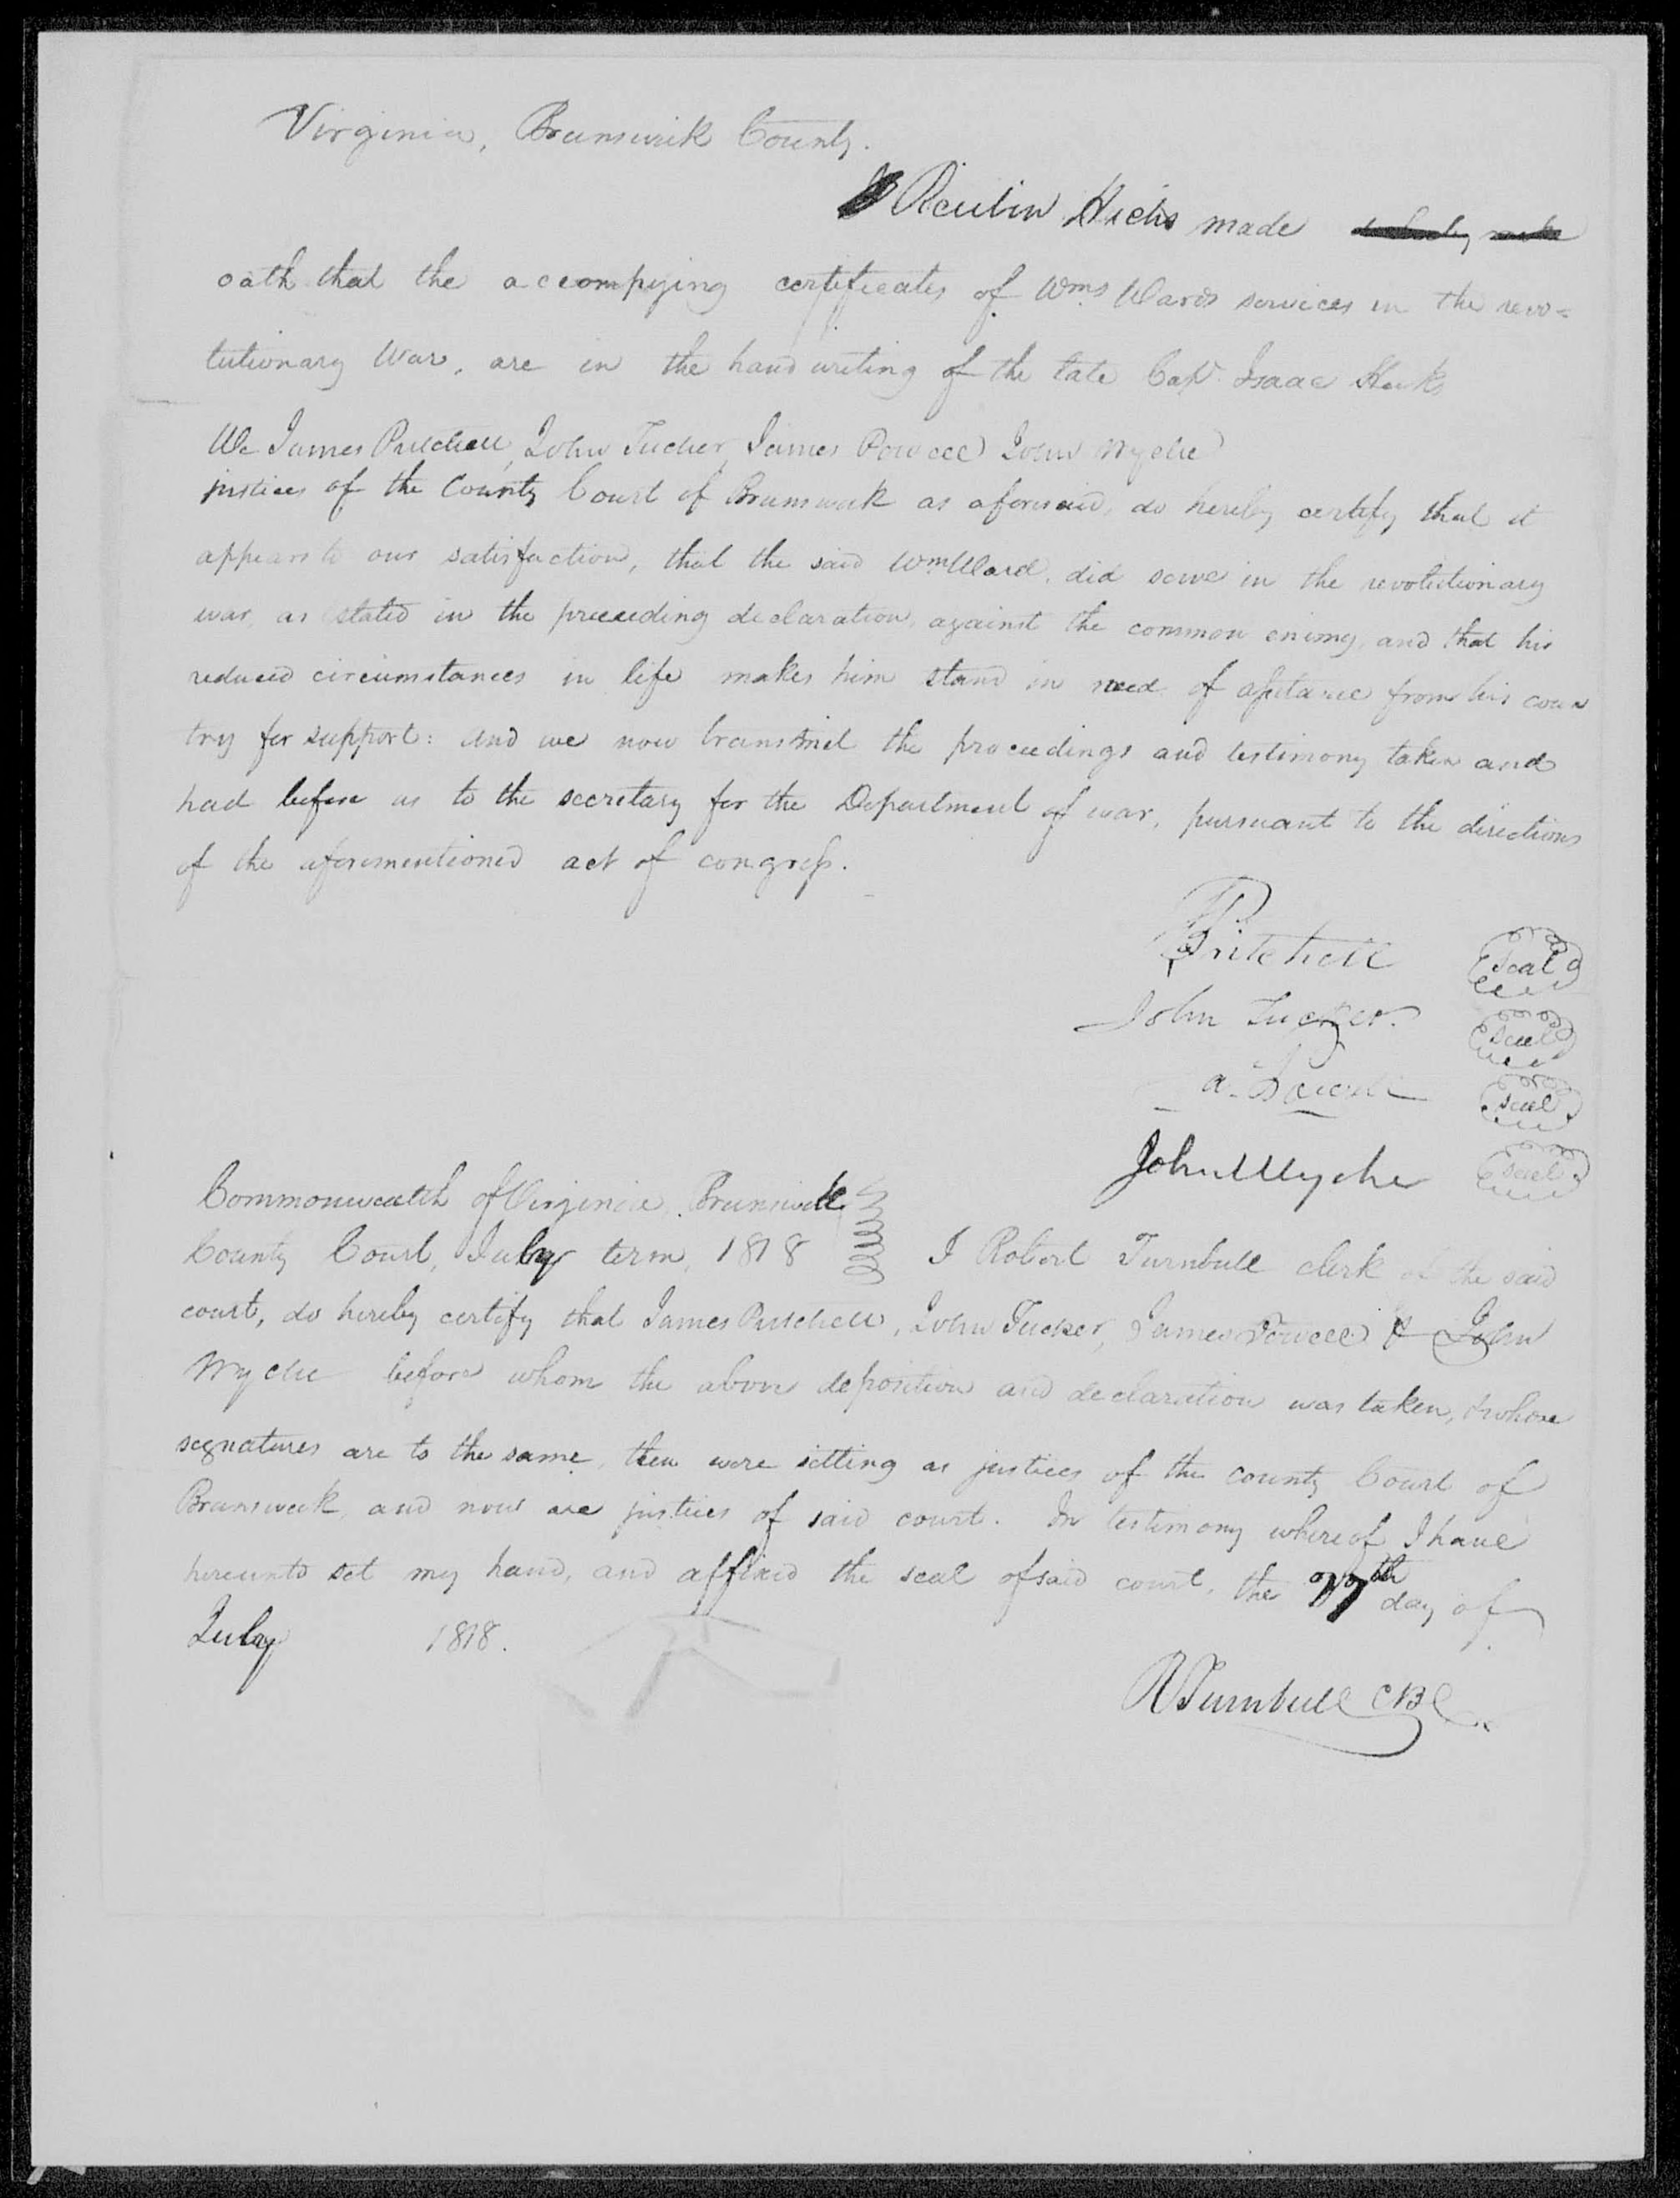Virginia, Brunswick County.
Reubin Hicks made oath that the accompying certificate of Wm Ward services in the revo-
lutionary War, are in the hand writing of the late Capt. Isaac Hicks.
We James Pritchell John Tucker James Powell John Wyche justices of the County Court of Brunswick as aforesaid, do hereby certify that it
appears to our satisfaction, that the said Wm Ward, did serve in the revolutionary war as stated in the preceeding declaration, against the common enemy, and that his reduced circumstances in life makes him stand in need of assitance from his country for support, and we now transmit the proceedings and testimony taken and had before us to the secretary for the Department of war, pursuant to the directions of the aforementioned act of congress.
Jas. Pritchell  {Seal}
John Tucker  {Seal}
Jas. Powell    {Seal}
John Wyche  {Seal}
Commonwealth of Virginia Brunswick }
County Court July term 1818               }
I Robert Turnbull Clerk of the said
court, do hereby certify that James Pritchell, John Tucker, James Powell & John Wyche
before whom the above deposition and declaration was taken, & whose signatures are to the same, then were sitting as justices of the County Court of Brunswick, and now are justices of said court. In testimony whereof I have hereunto set my hand and affixed the seal of said Court the 27th day of July 1818.
R Turnbull CBC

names: Wm Ward, Robert Turnbull, James Pritchell, John Tucker, John Wyche, John Tucker, J Pritchell, James Pritchell, Wm Ward, James Powell, John Tucker, James Powell, John Wyche, Jas Powell, Reubin Hicks, Isaac Hicks, John Wyche, R Turnbull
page: 4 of 17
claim: survivor's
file: S. 42053, William Ward, Ga.